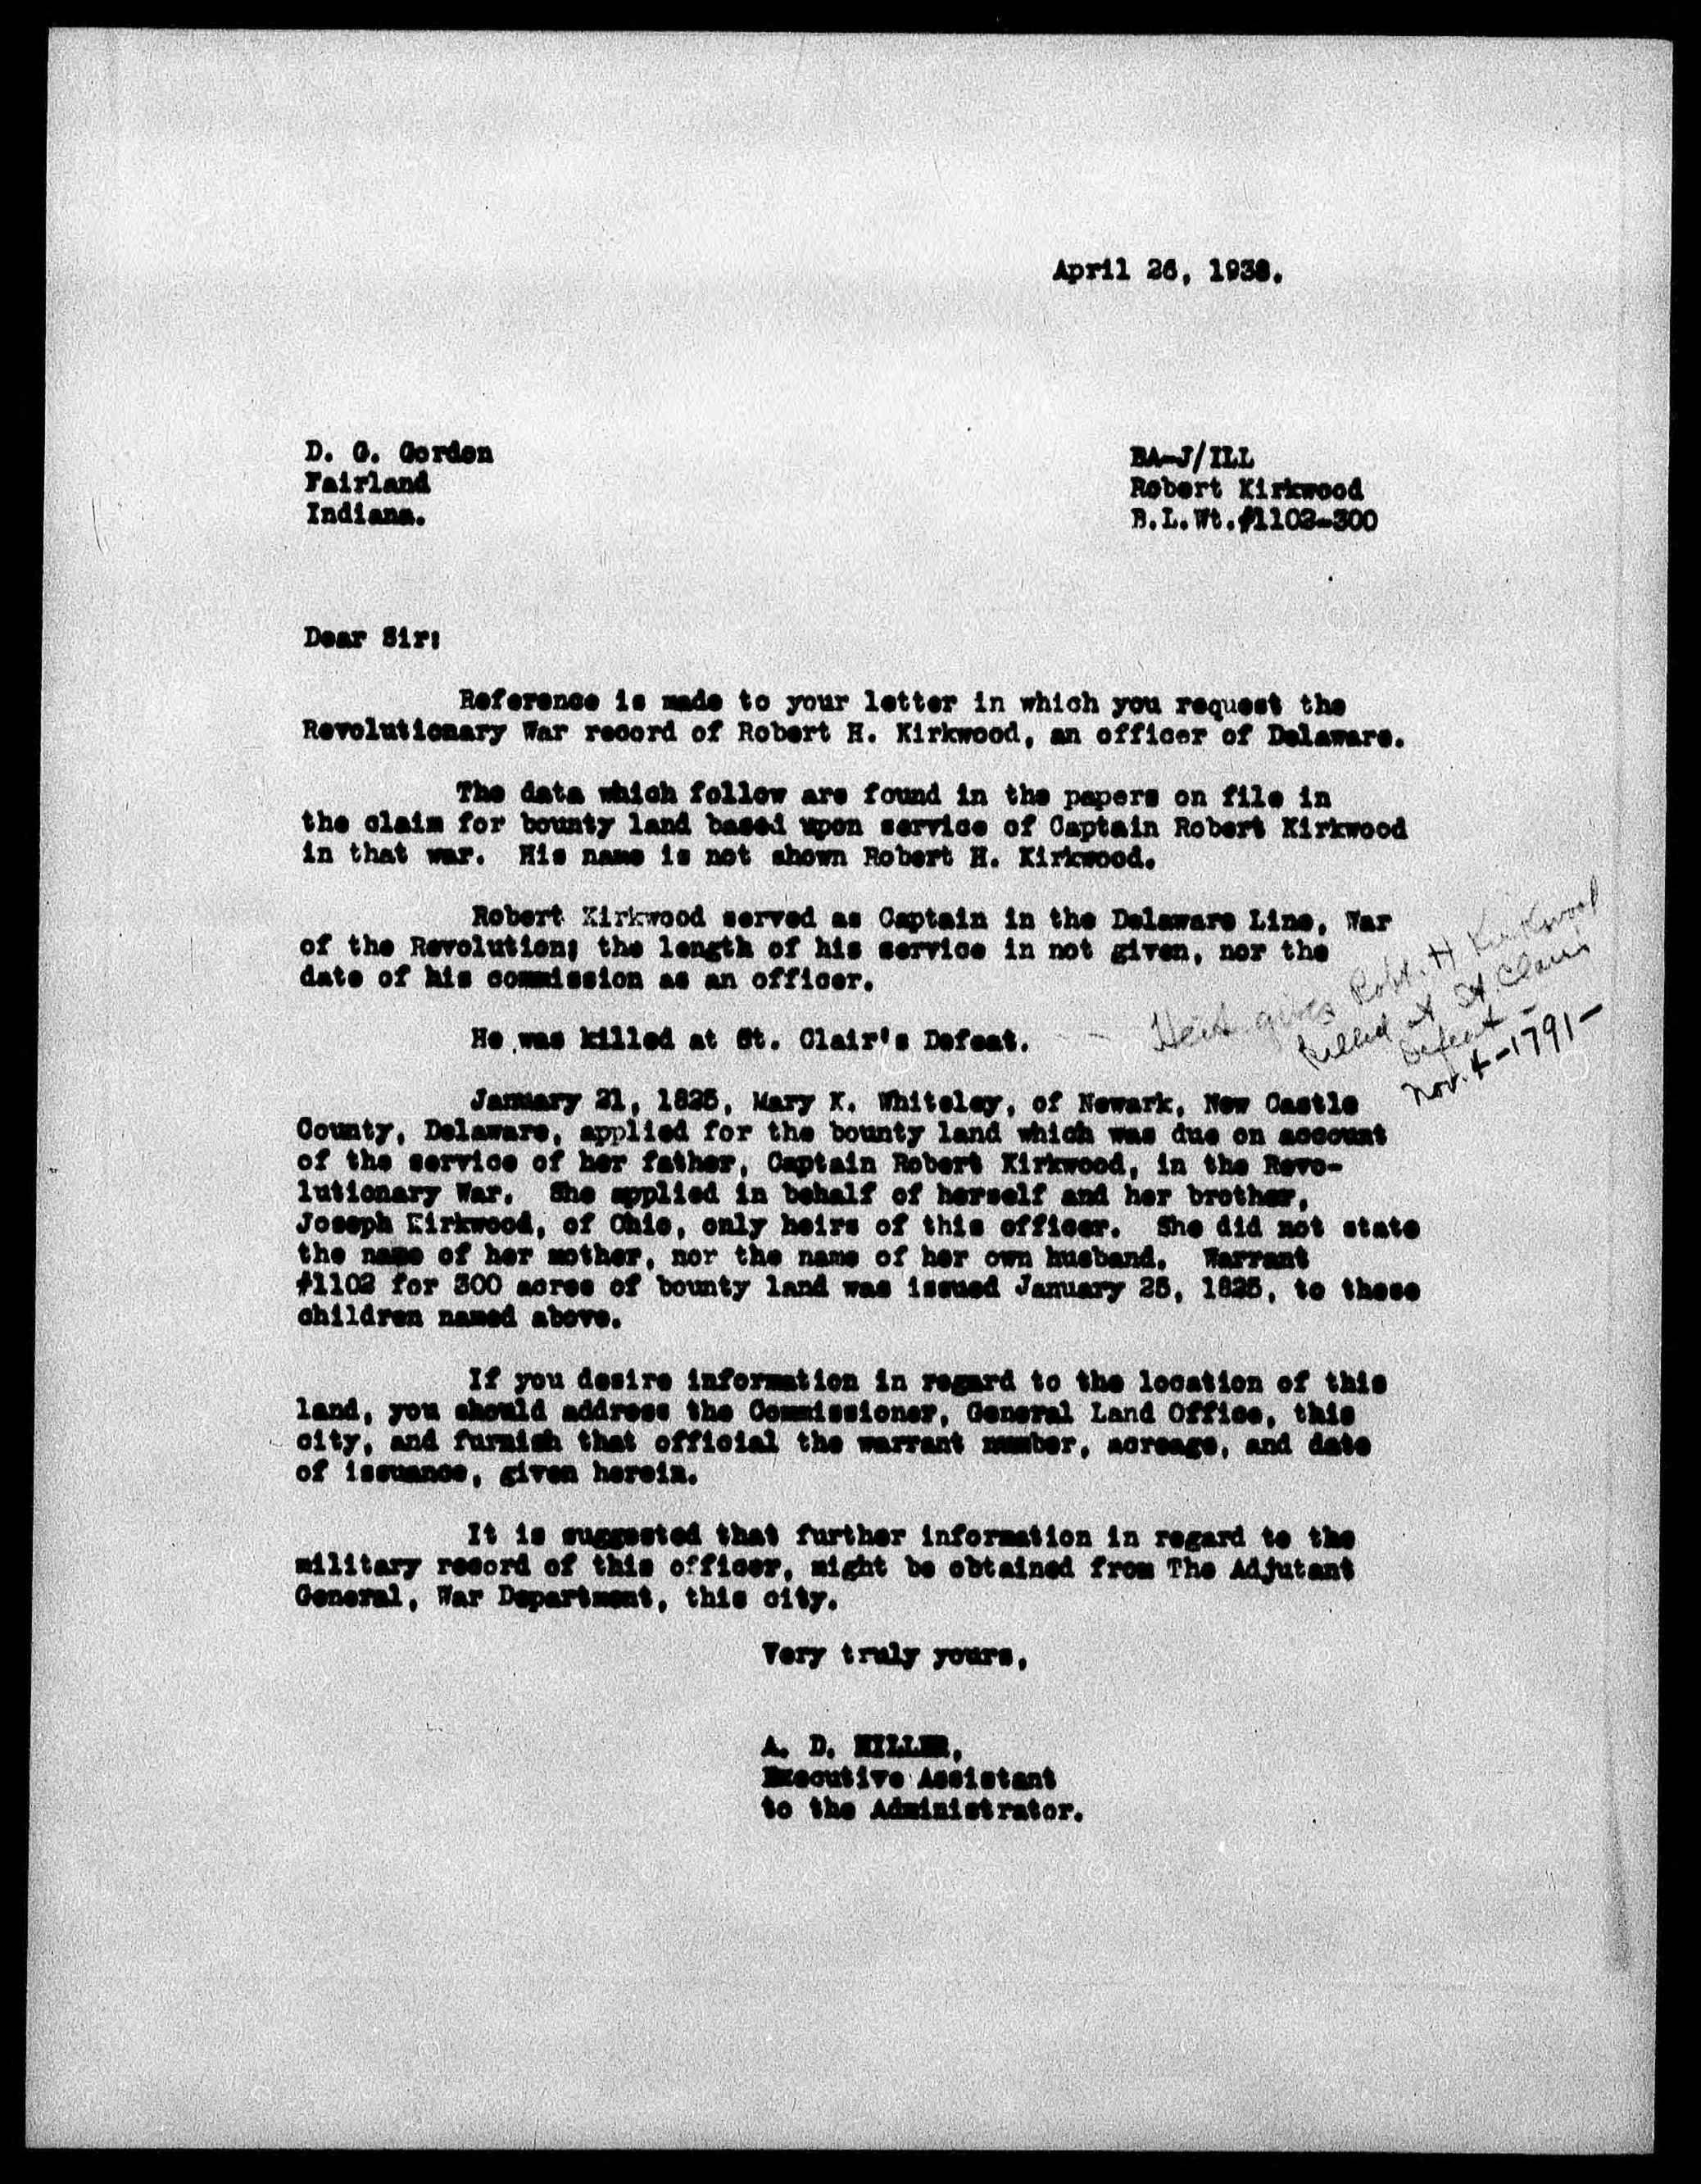April 26, 1938.
D. G. Gordon
Fairland
Indiana.
BA-J/ILL
Robert Kirkwood
B. L. Wt. 1102 - 300
Dear Sir:
Reference is made to your letter in which you request the
Revolutionary War record of Robert H. Kirkwood, an officer of Delaware.
The data which follow are found in the papers on file in
the claim for bounty land based upon service of Captain Robert Kirkwood
in that war. His name is not shown Robert H. Kirkwood.
Robert Kirkwood served as Captain in the Delaware Line, War
of the Revolution, the length of his service in not given, nor the
date of his commission as an officer.
[handwritten illegible] gives Robt. H Kirkwood killed at St. Clair's Defeat - Nov. 4-1791-]
He was killed at St. Clair's Defeat
January 21, 1825, Mary K. Whiteley, of Newark, New
Castle
County, Delaware, applied for the bounty land which was due on account
of the service of her father, Captain Robert Kirkwood, in the Revolutionary
War. She applied in behalf of herself and her brother
Joseph Kirkwood, of Ohio, only heirs of this officer. She did not state
the name of her mother, nor the name of her own husband, Warrant
#1102 for 300 acres of bounty land was issued January 25, 1825, to those
children named above.
If you desire information in regard to the location of this
land, you should address the Commissioner, General Land Office, this
city, and furnish that official the warrant number, acreage, and date
of issuance, given herein.
It is suggested that further information in regard to the
military record of this officer, might be obtained from the Adjutant General, War Department, this city.
Very truly yours,
A. D. HILLER,
Executive Assistant
to the Administrator.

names: Robert H Kirkwood; A D Hiller; Joseph Kirkwood; Mary K Whiteley; Robert Kirkwood; D G Gorden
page: 7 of 20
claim: bounty land warrant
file: B. L. Wt. 1102-300, for Robert Kirkwood, Delaware